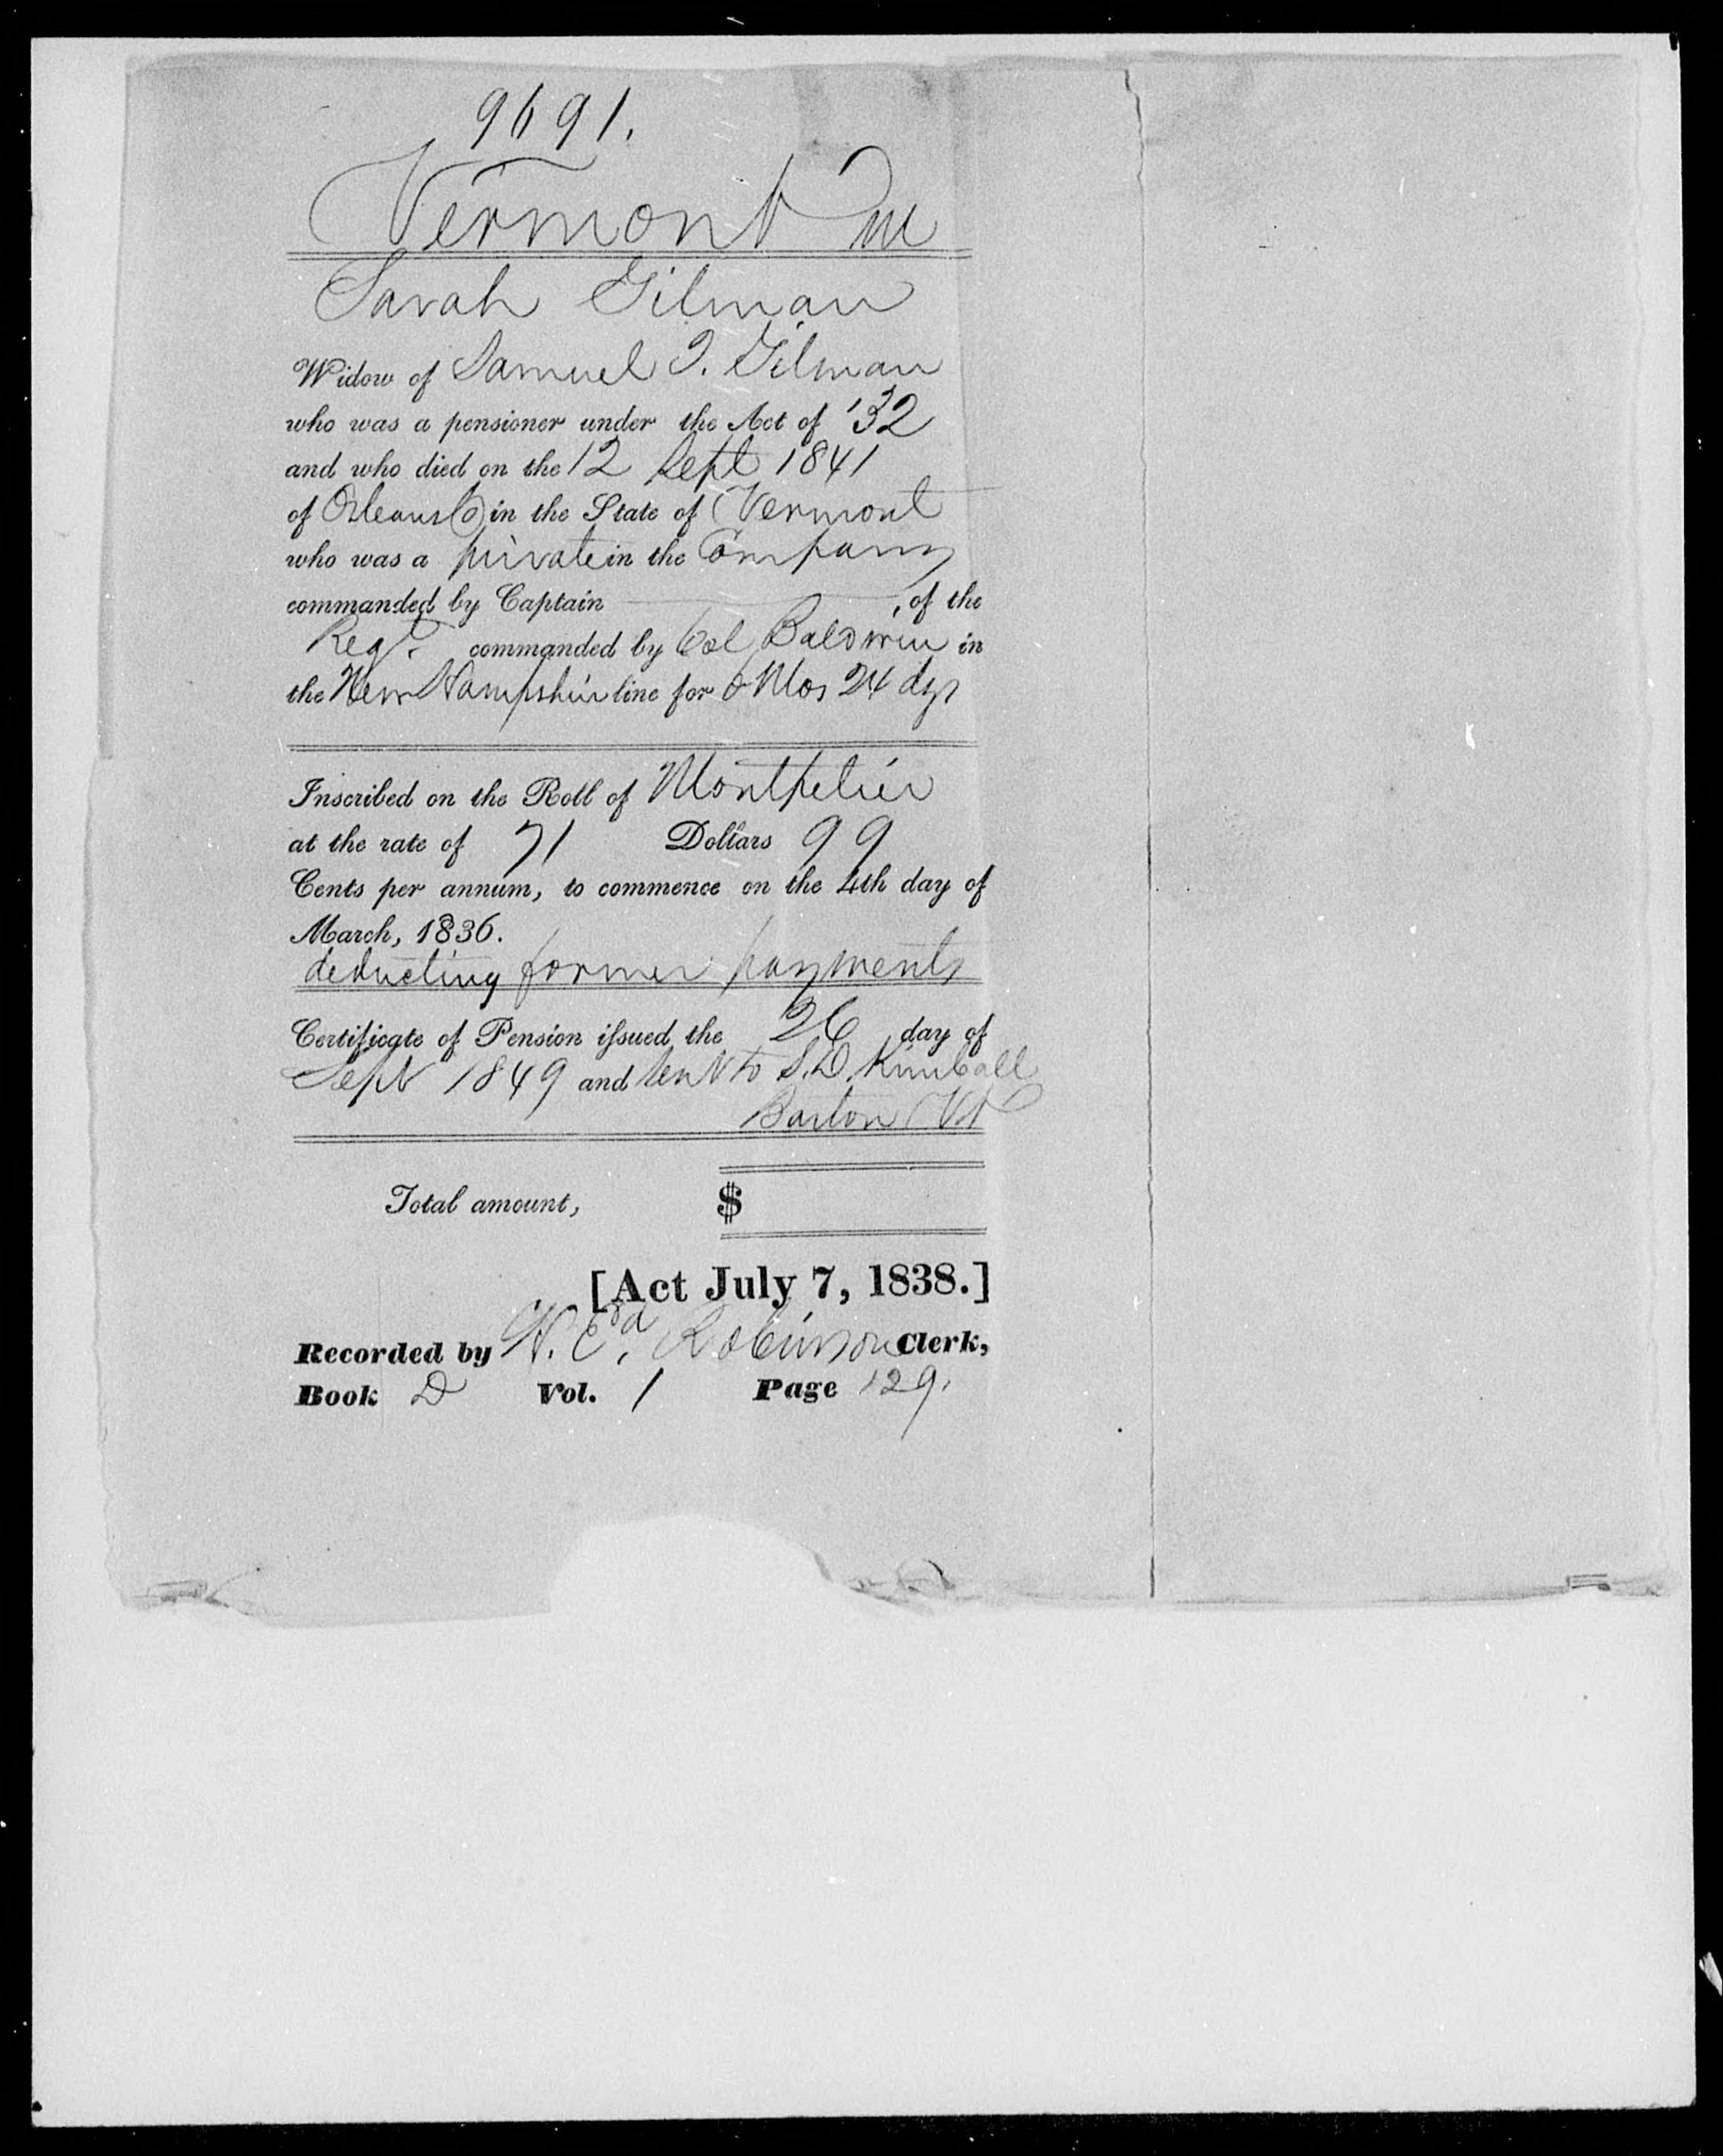[printed form filled in by hand]

9691.
Vermont [illeg]

Sarah Gilman
Widow of Samuel T. Gilman
who was a pensioner under the Act of '32
and who died on the 12 Sept 1841
Of Orleans in the State of Vermont
who was a private in the Company 
commanded by Captain ---- of the
Regt. commanded by Col Baldwin in
the New Hampshire line for 6 Mos 24 days

Inscribed on the Roll of Montpelier
at the rate of 71 Dollars 99
Cents per annum, to commence on the 4th day of March, 1836,
deducting former payments

Certificate of Pension issued the 26 day of
Sept 1849 and  sent to S. D. Kimball
Barton VT

Total amount, $

[Act July 7, 1838.]
Recorded by H Ed Robinson Clerk,
Book D Vol. 1 Page 129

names: Sarah Gilman, H Ed Robinson, Baldwin, Samuel T Gilman, S D Kimball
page: 25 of 61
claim: widow's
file: W. 19500, Samuel Thing Gilman, Continental N.H.